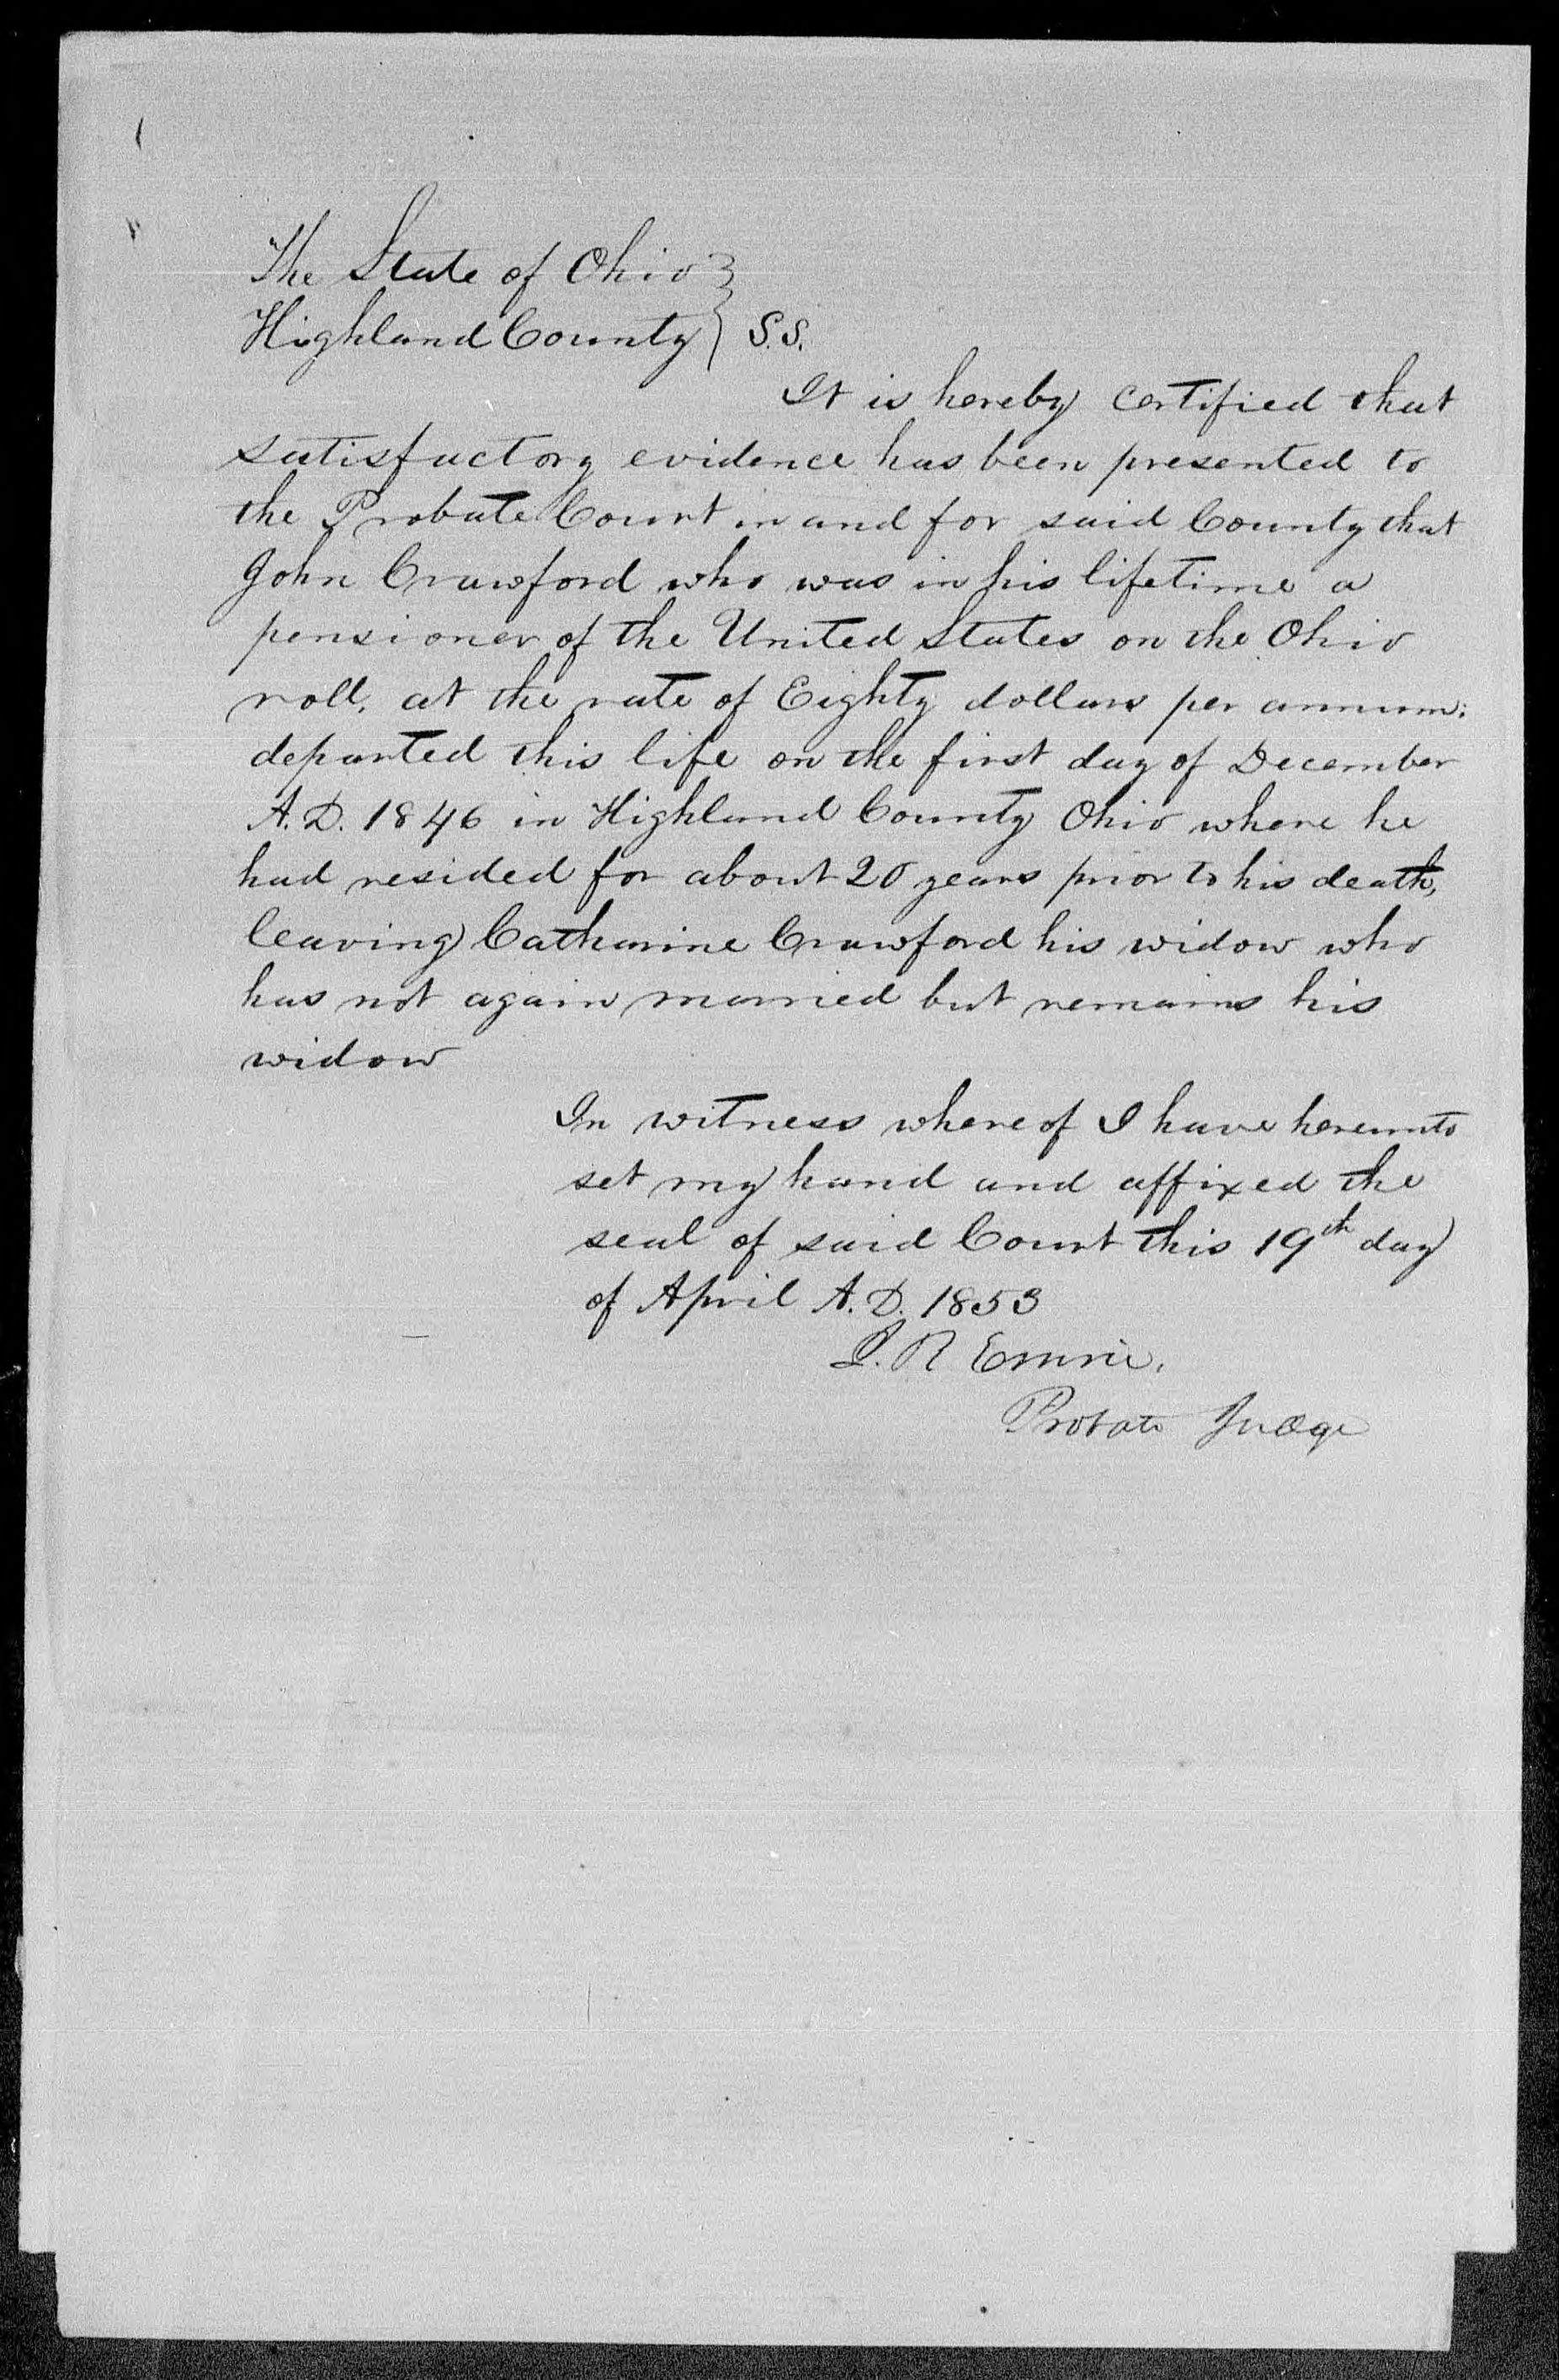The State of Ohio
Highland County ⎬ S.S.
It is hereby certified that satisfactory evidence has been presented to the Probate Court in and for said County that John Crawford who was in his lifetime a pensioner of the United States on the Ohio roll at the rate of Eighty dollars per annum. departed this life on the first day of December A.D. 1846 in Highland County Ohio where he had resided for about 20 years prior to his death, leaving Catherine Crawford his widow who has not again married but remains his
widow
In witness whereof I have hereunto set my hand and affixed the seal of said Court this 19th day
of April A.D. 1853
J. R. Emrie
Probate Judge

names: Catharine Crawford, John Crawford, J R Emrie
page: 28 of 80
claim: widow's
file: W 2070, John Crawford, Penn.